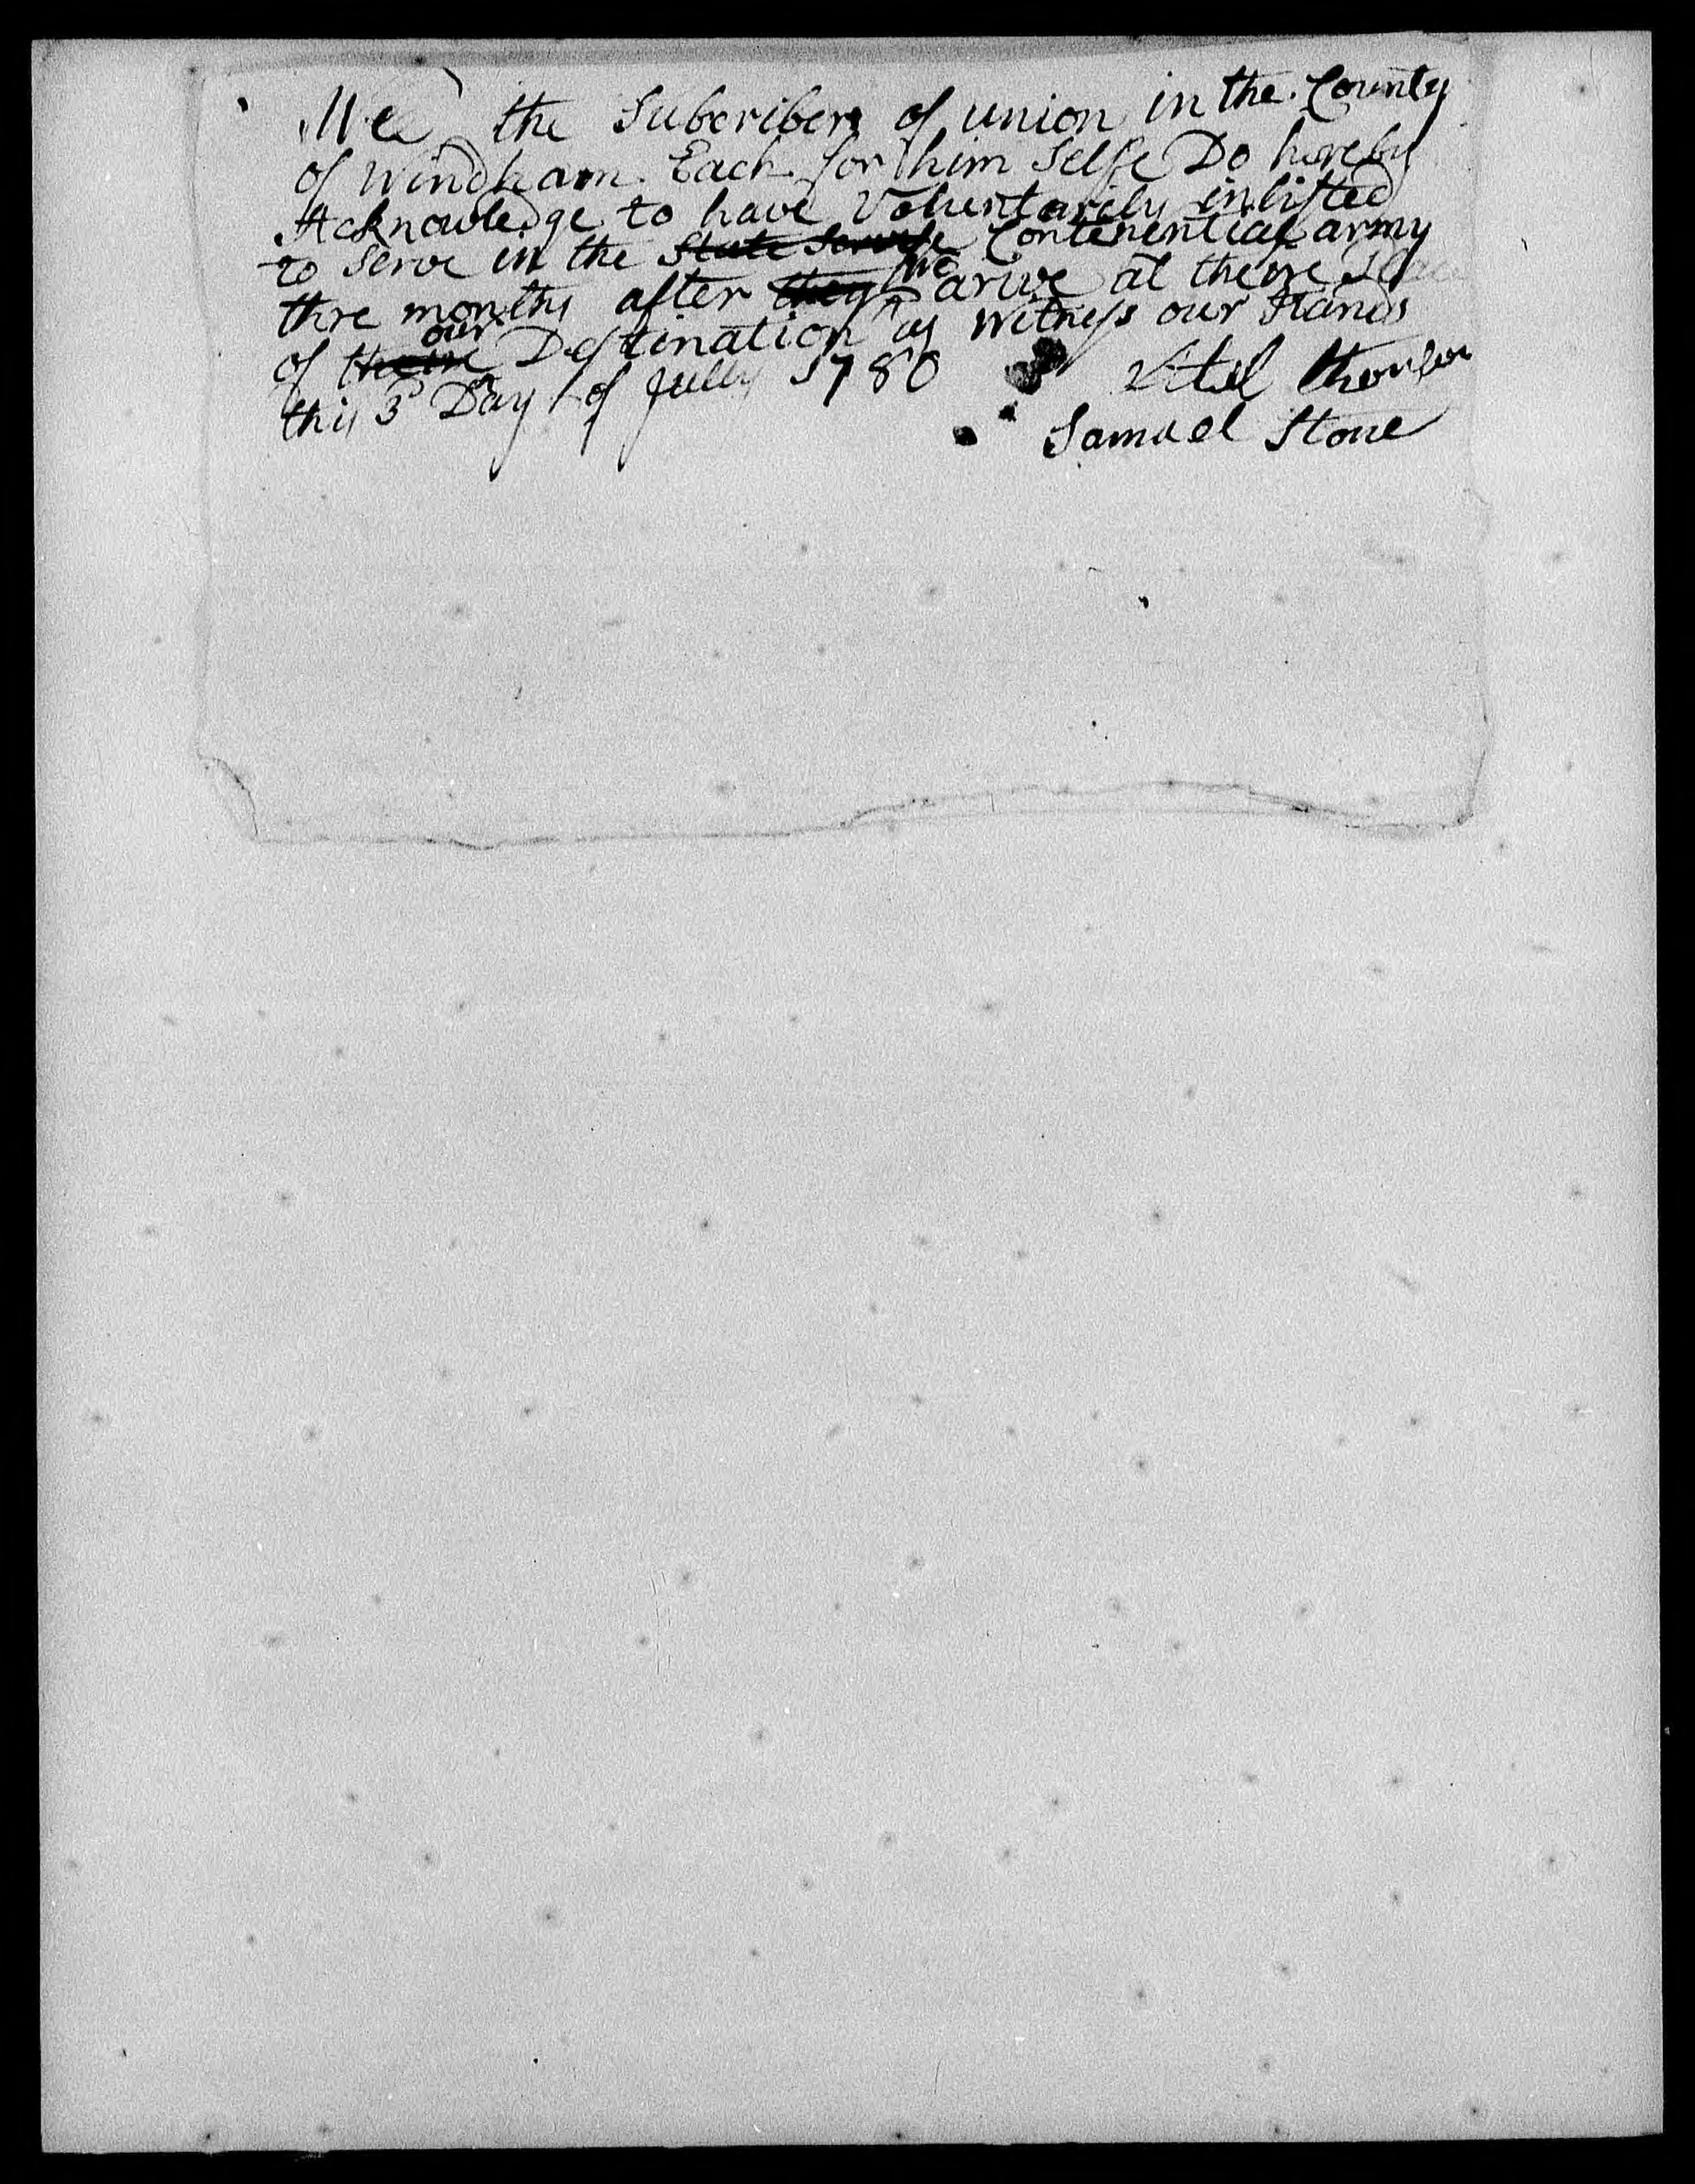We the subscribers of union in the county of Windham Each for himself do hereby acknoledge to have voluntarily inlisted to serve in the Continential Army three months after we arive at these place of our destination as Witness our [illegible - Names ?]
this 3rd Day of Jully 1780

Abel Thomson
Samuel Stone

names: Samuel Stone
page: 5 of 10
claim: survivor's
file: S. 17,708, for Samuel Stone, Connecticut